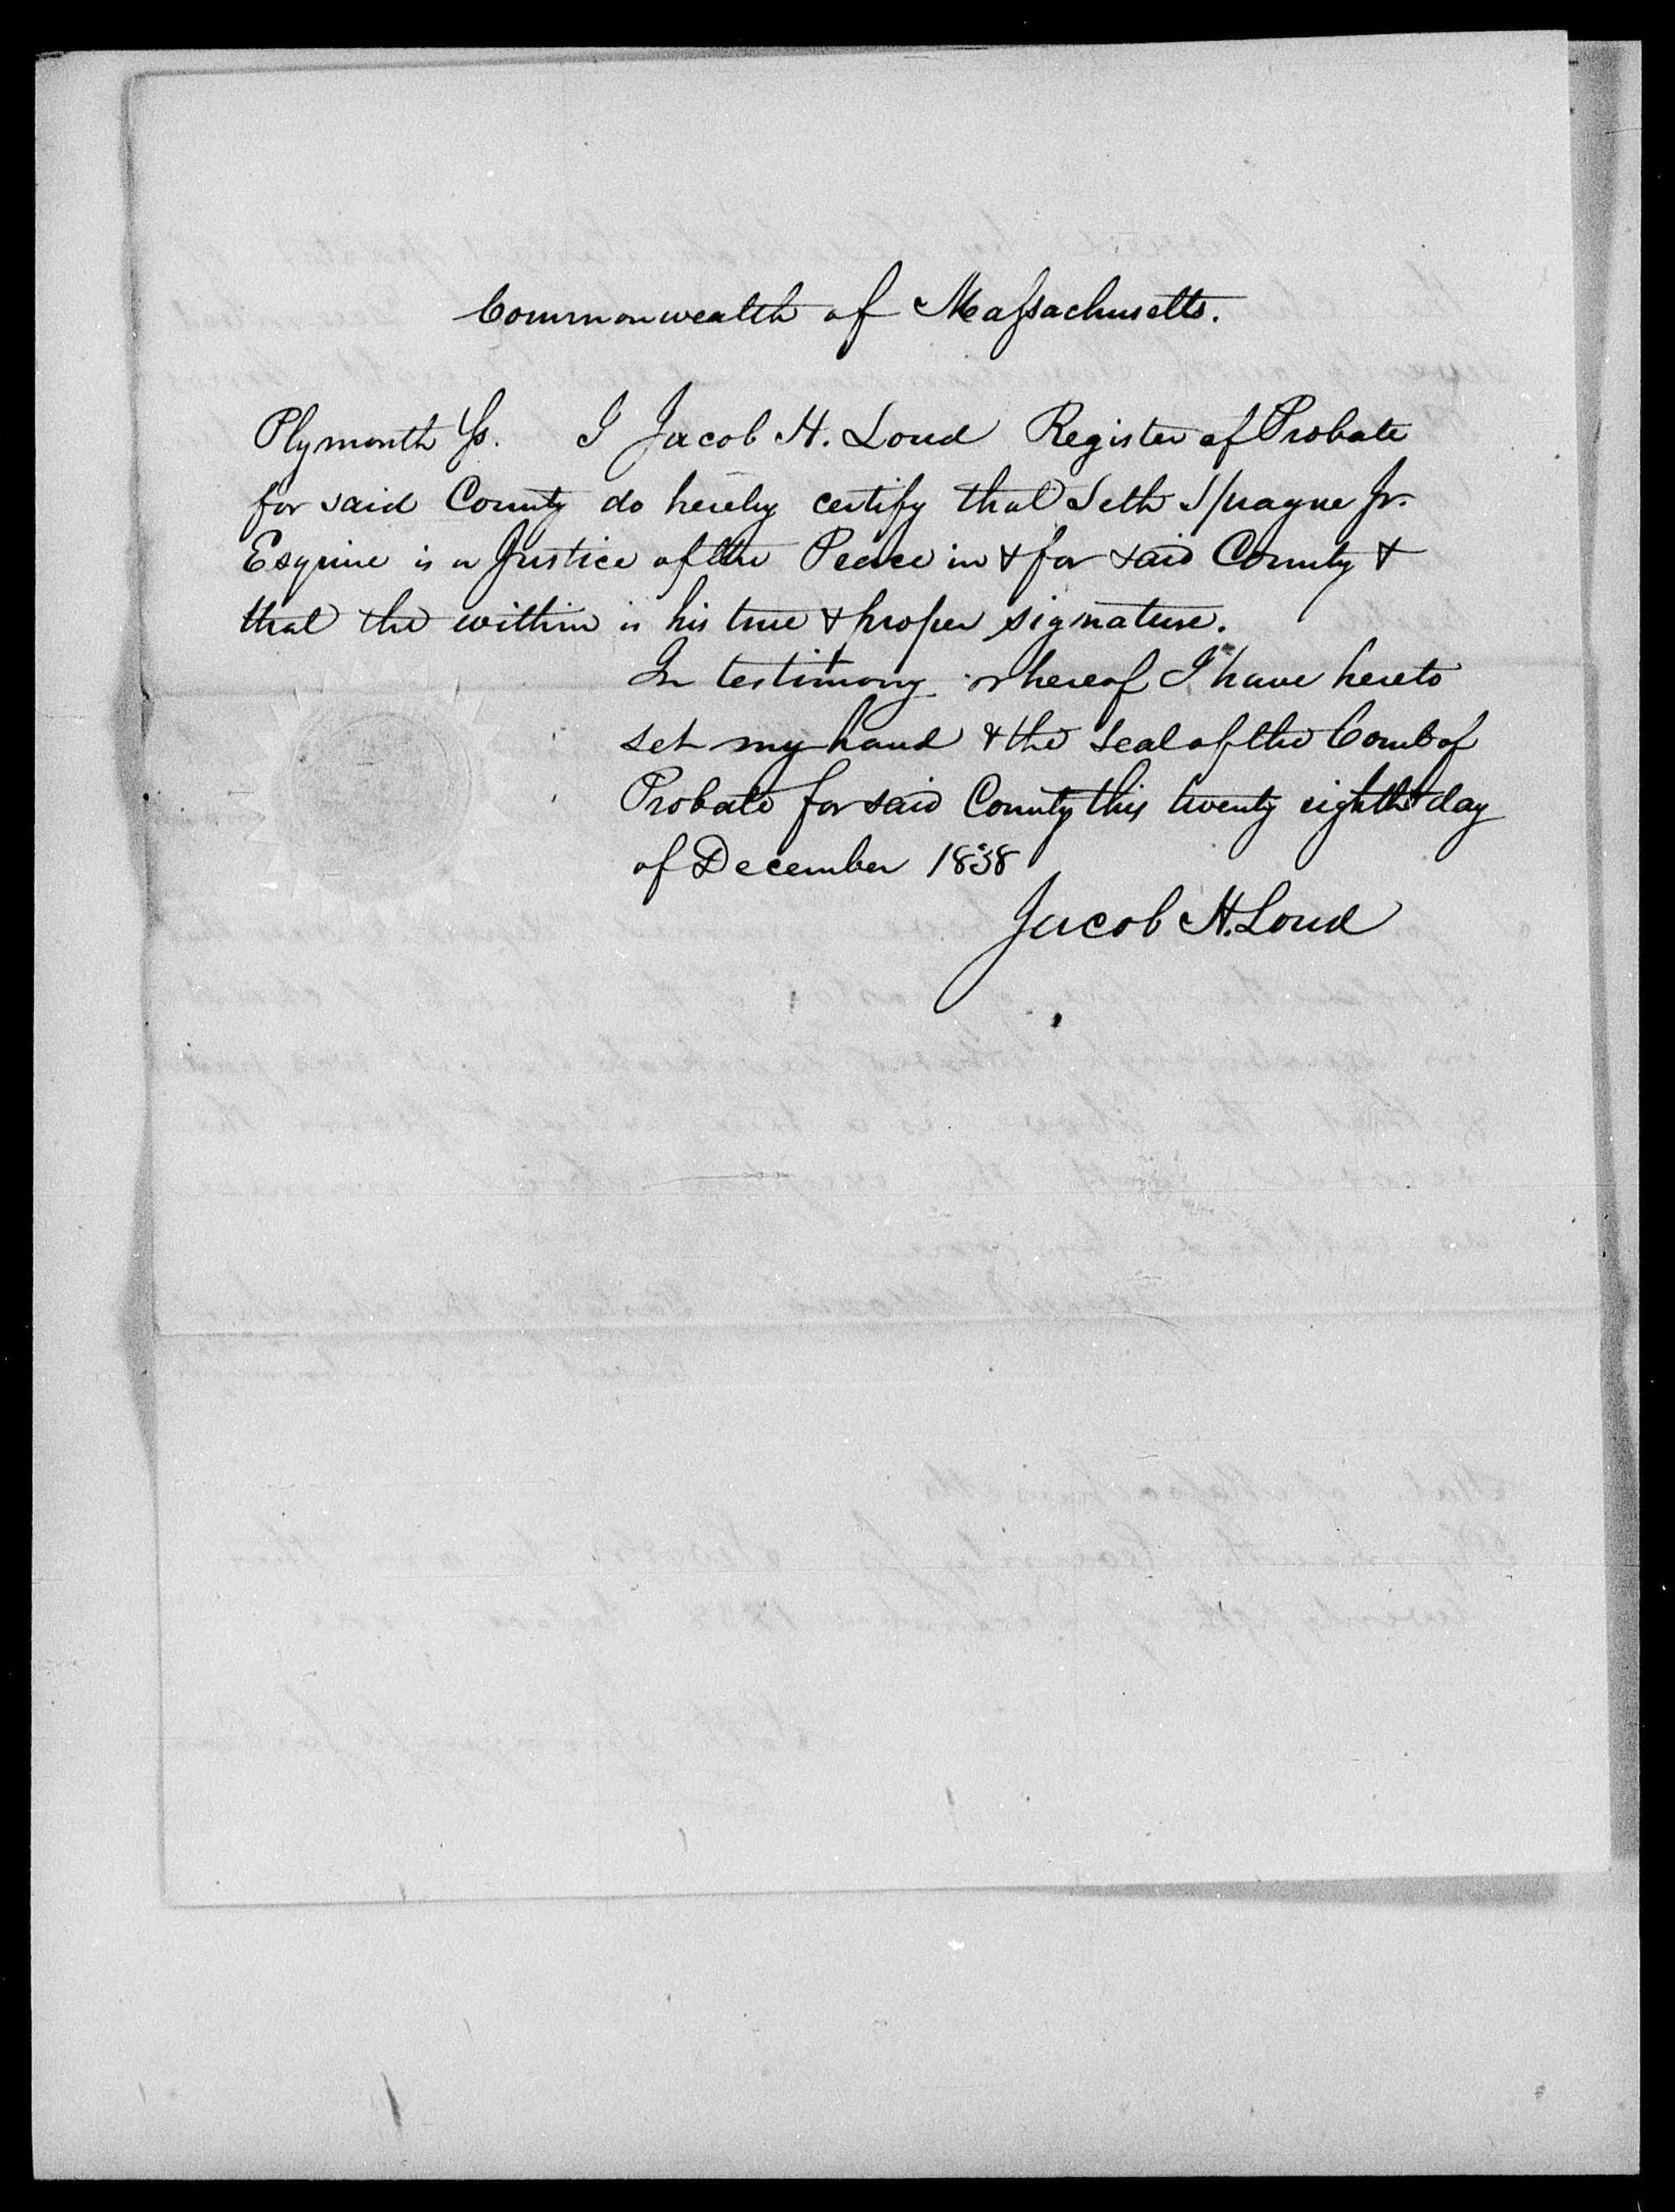Commonwealth of Massachusetts
Plymouth ss.
I Jacob H. Loud Register of Probate for said County do hereby certify that Seth Sprague Jr.
Esquire is a Justice of the Peace in & for said County & that the within is his true & proper signature. In testimony whereof I have hereto
set my hand & the seal of the Court of
Probate for said County this twenty eighth day
of December 1838
Jacob H. Lord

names: Seth Sprague; Jacob H Loud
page: 6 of 26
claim: widow's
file: W. 26,886, for Amos Phillips, Massachusetts